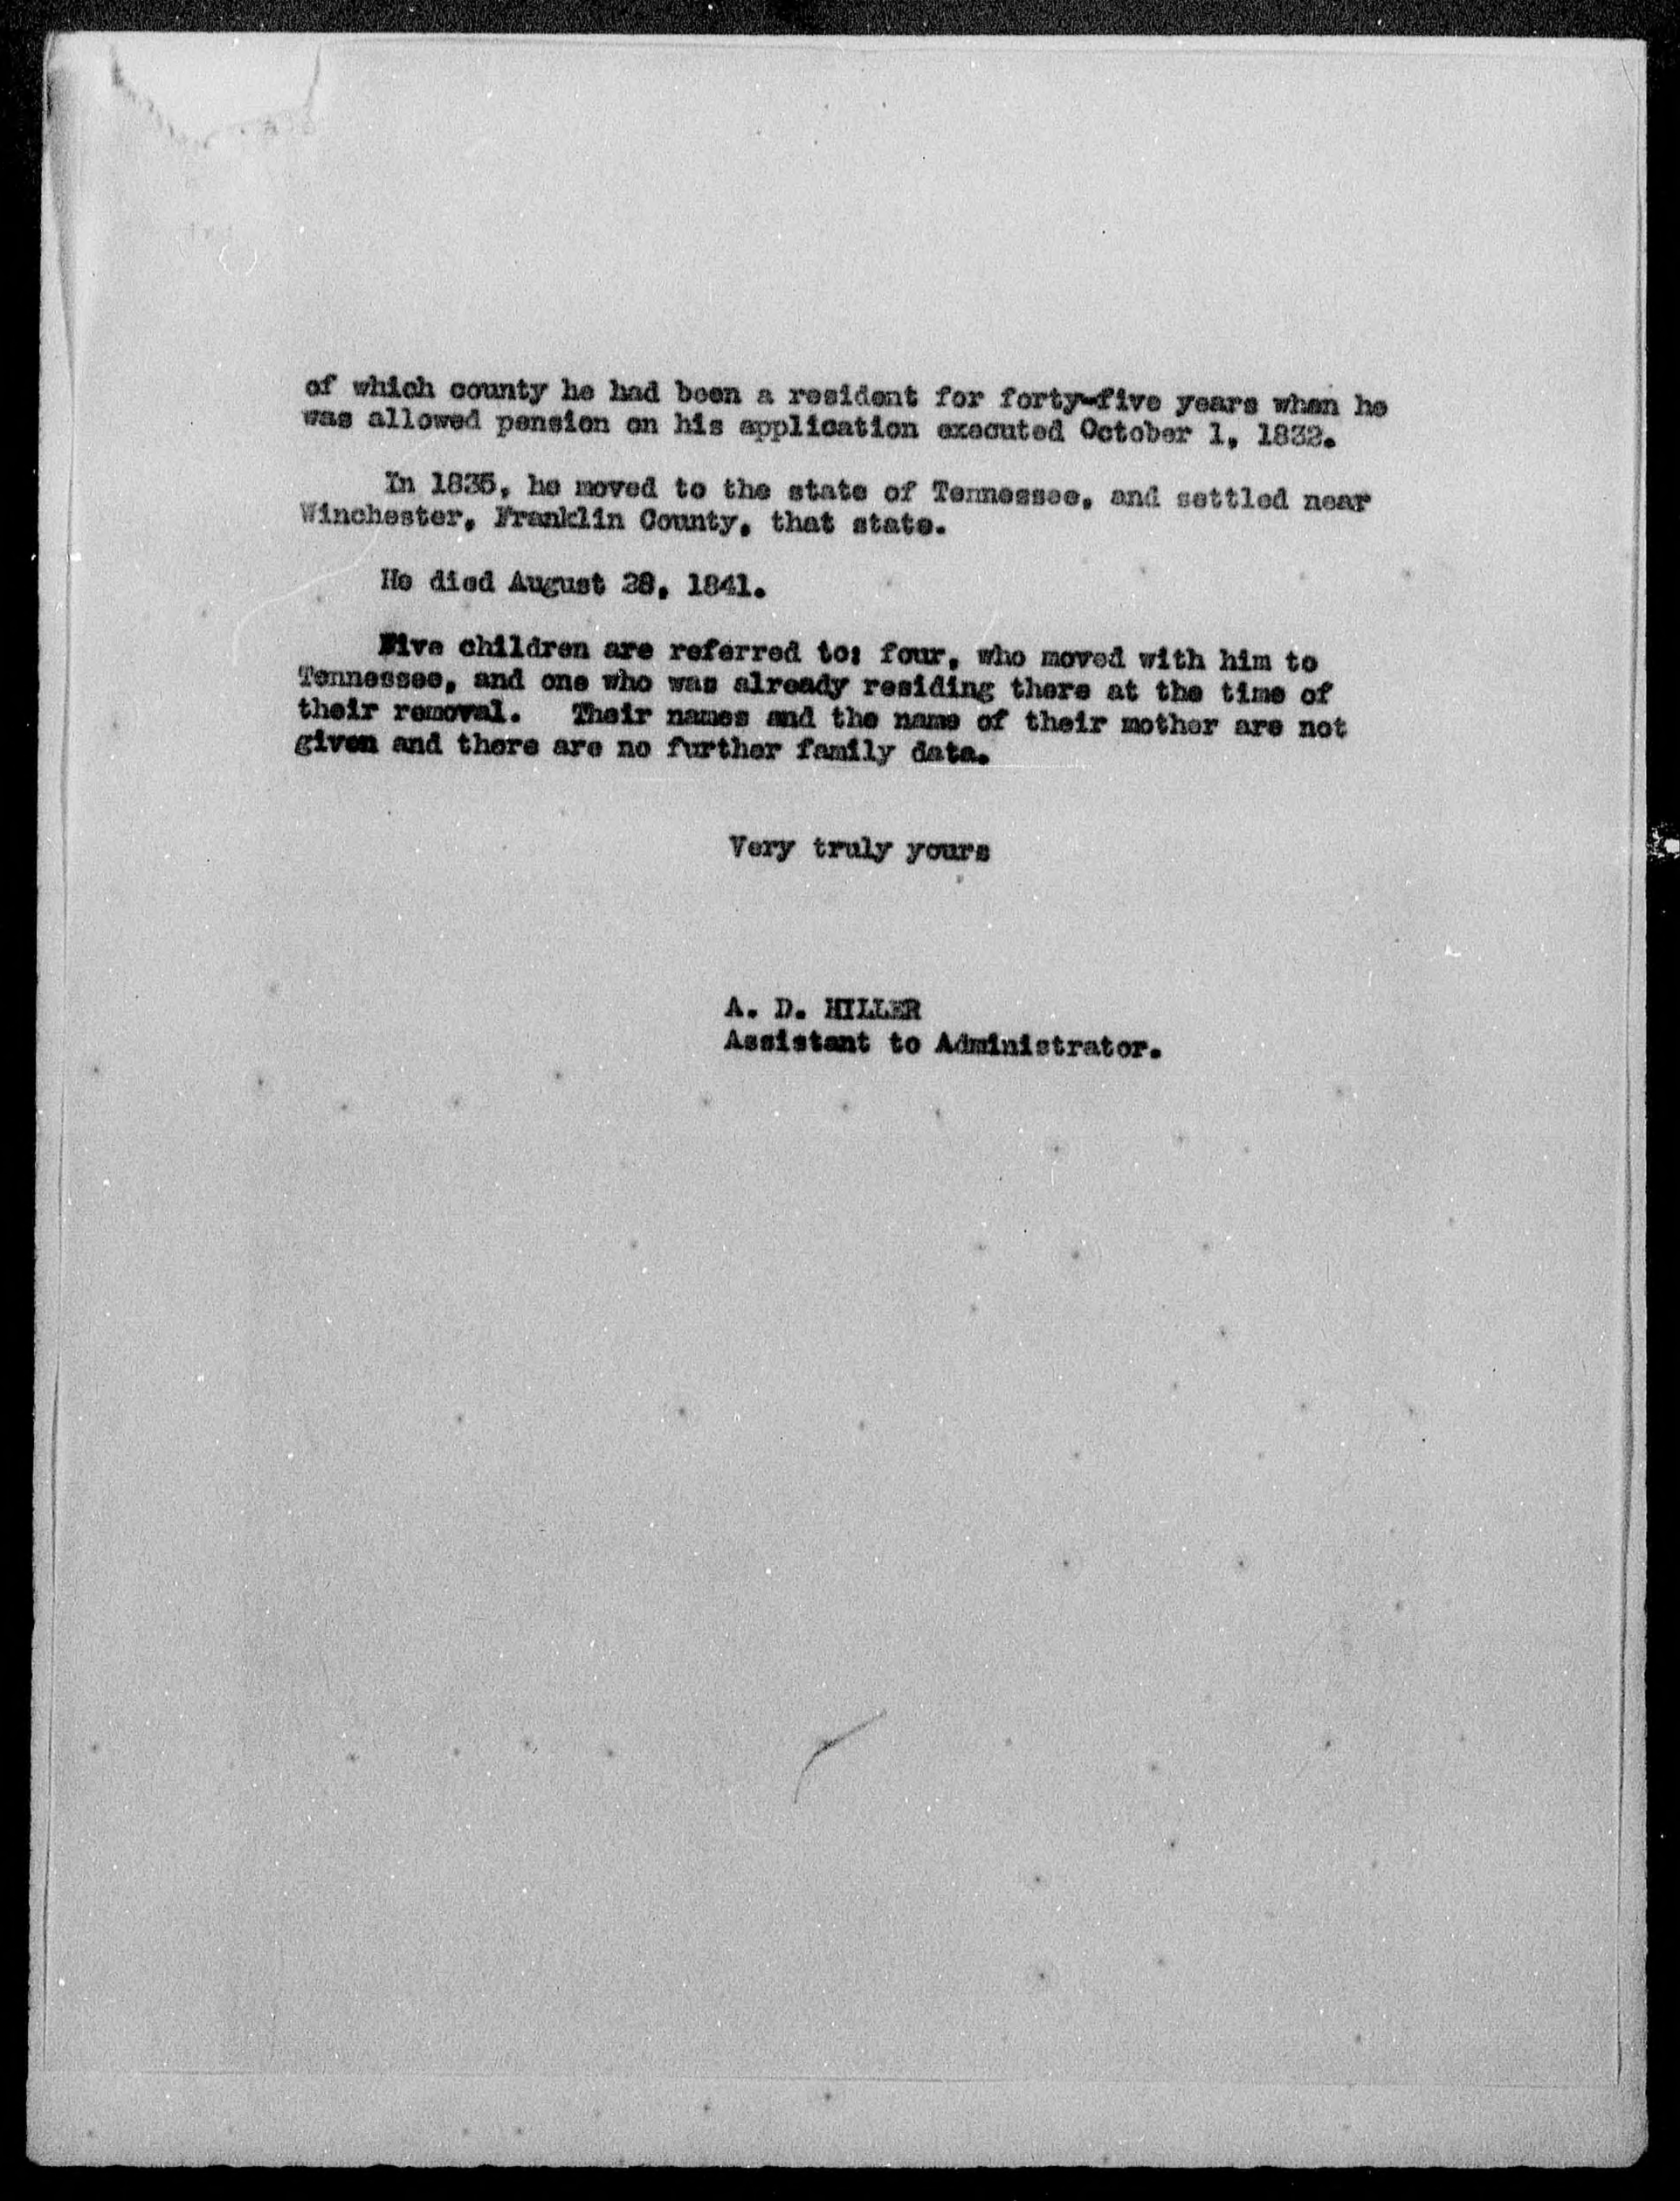of which county he had been a resident for forty-five years when he was allowed pension on his application executed October 1, 1832. 

In 1835, he moved to the state of Termassee, and settled near Winchester, Franklin County, that state. 

He died August 28, 1841. 

five children are referred to: four, who moved with him to Tennessee, and one who was already residing there at the time of their removed. Their names and the name of their mother are not given and there are no further family data. 

Very truly yours 

A. D. HILLER 
Assistant to Administrator.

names: A D Hiller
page: 13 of 27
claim: survivor's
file: S. 1747, Enoch Breeden, Va.